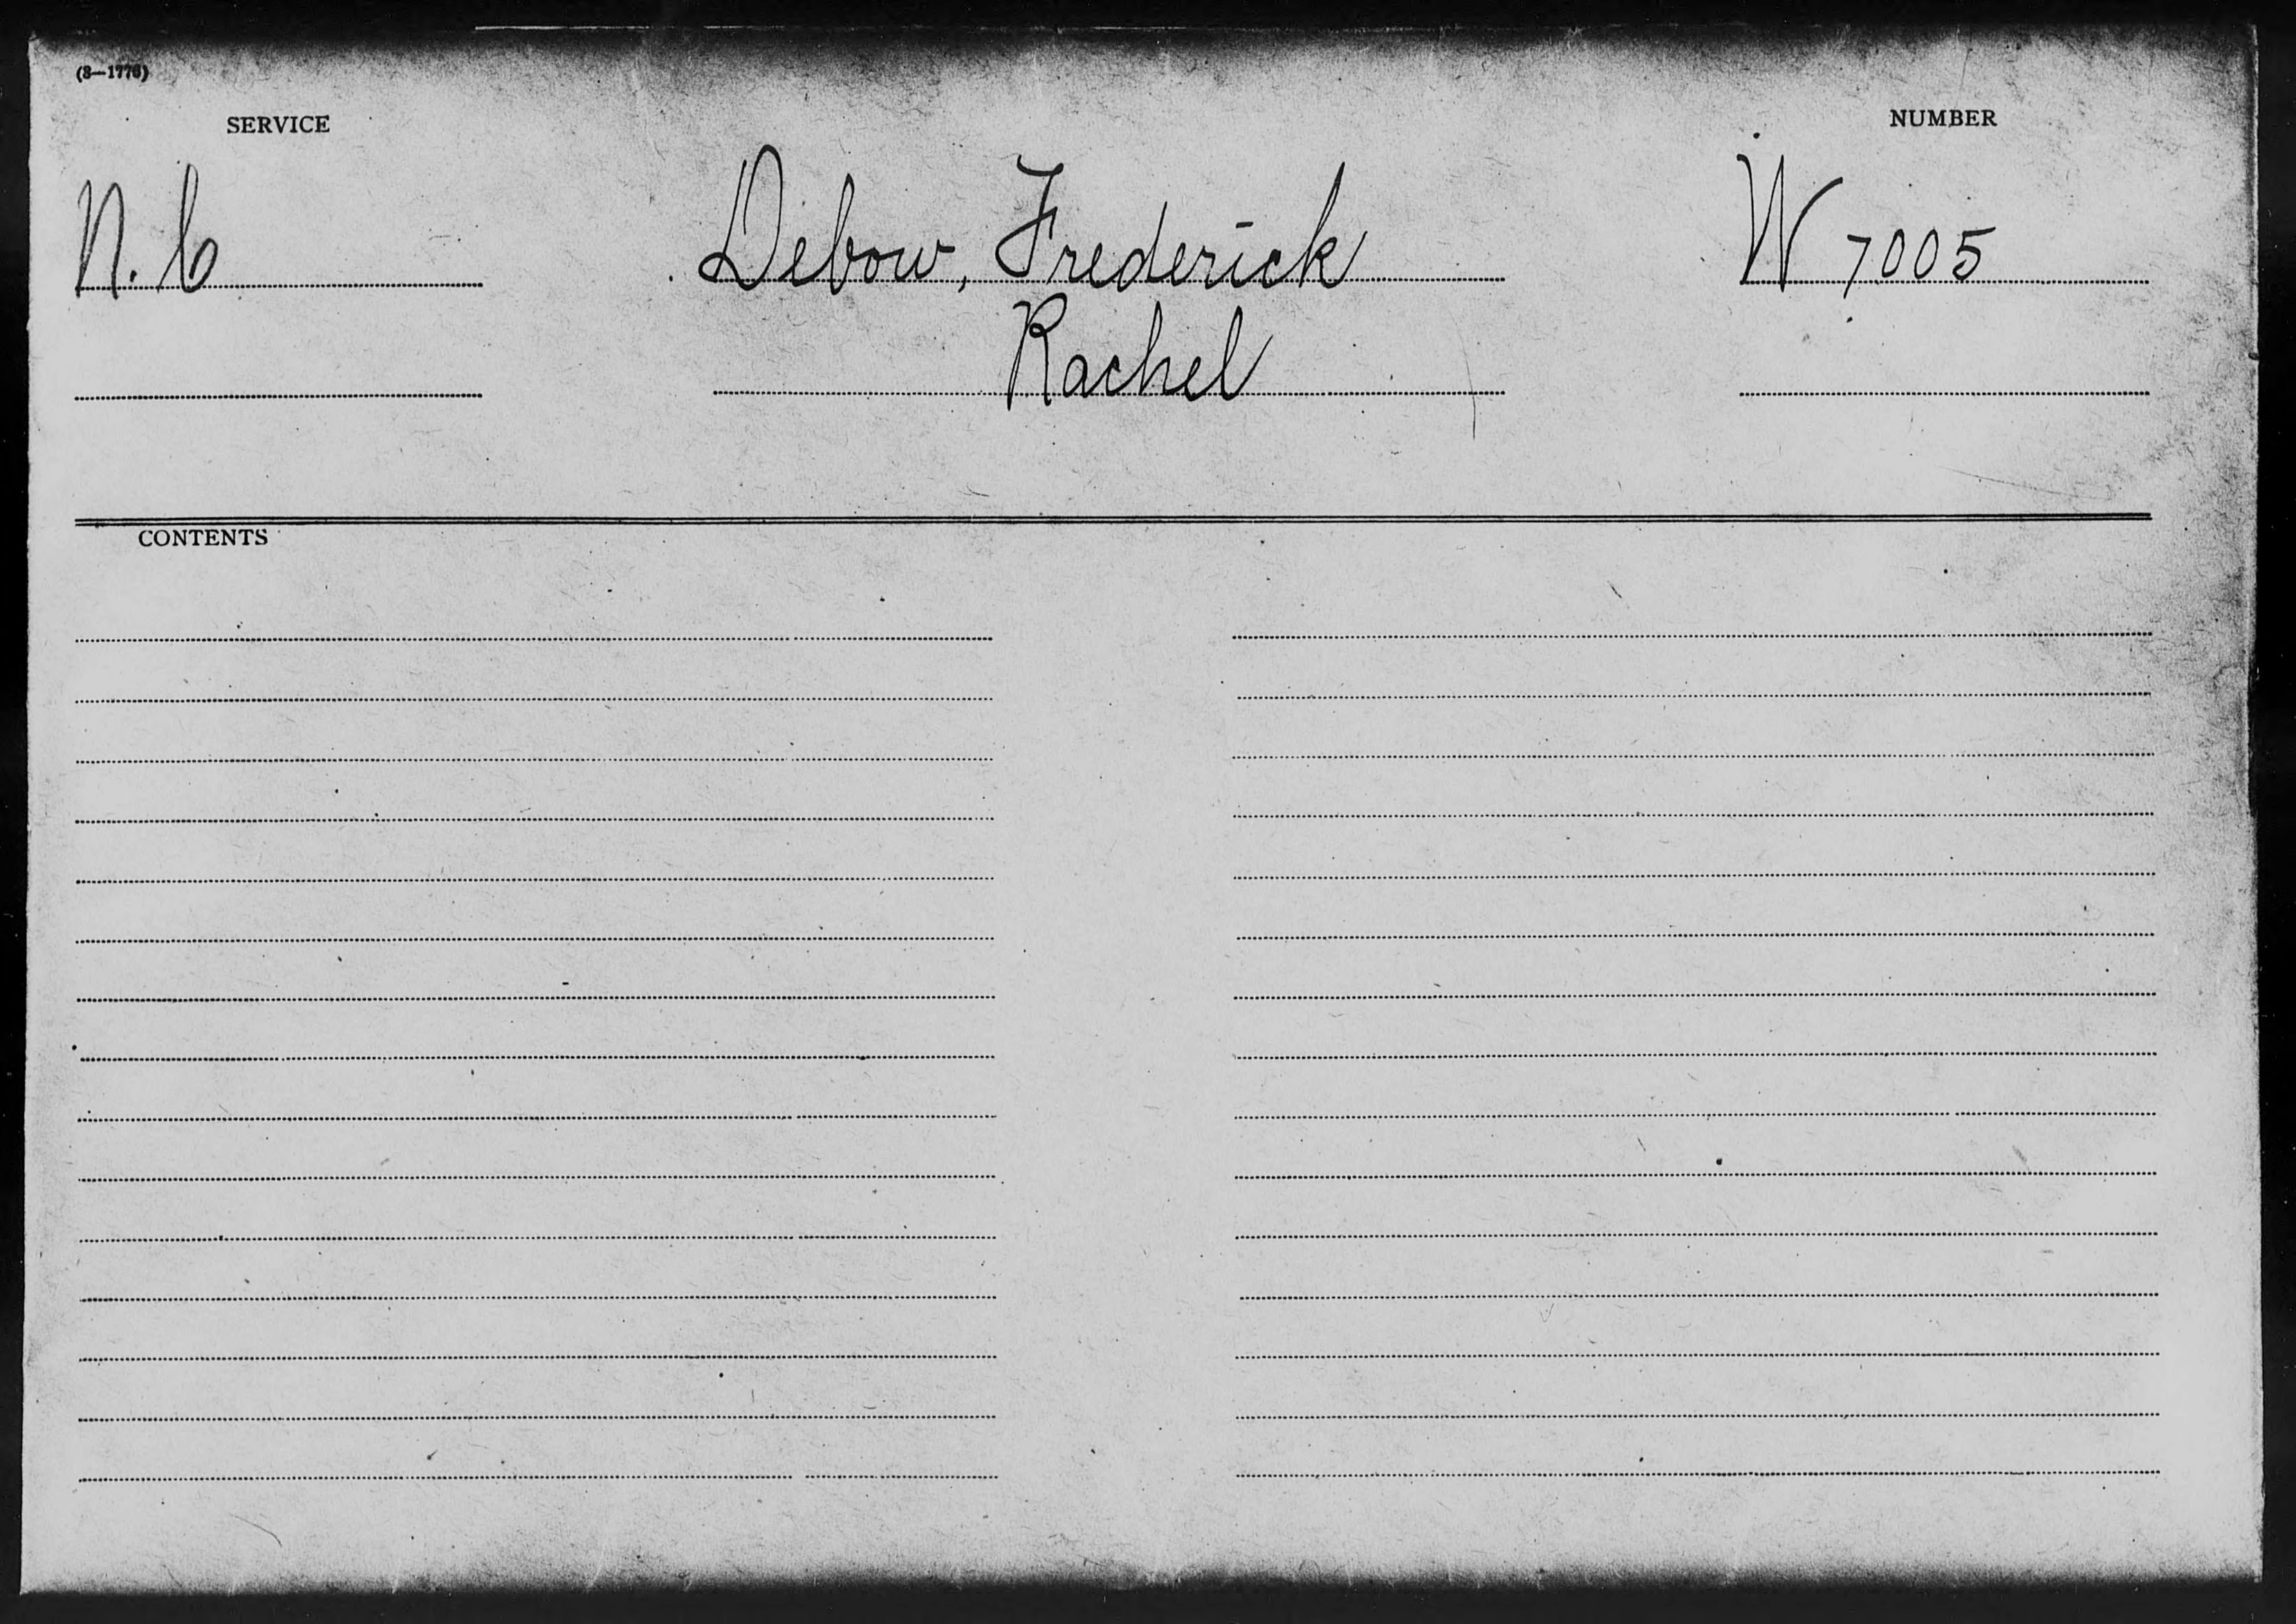N.C. Debow, Frederick		W7005	
	       Rachel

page: 1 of 62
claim: widow's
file: W 7005, Frederick Debow, N.C.